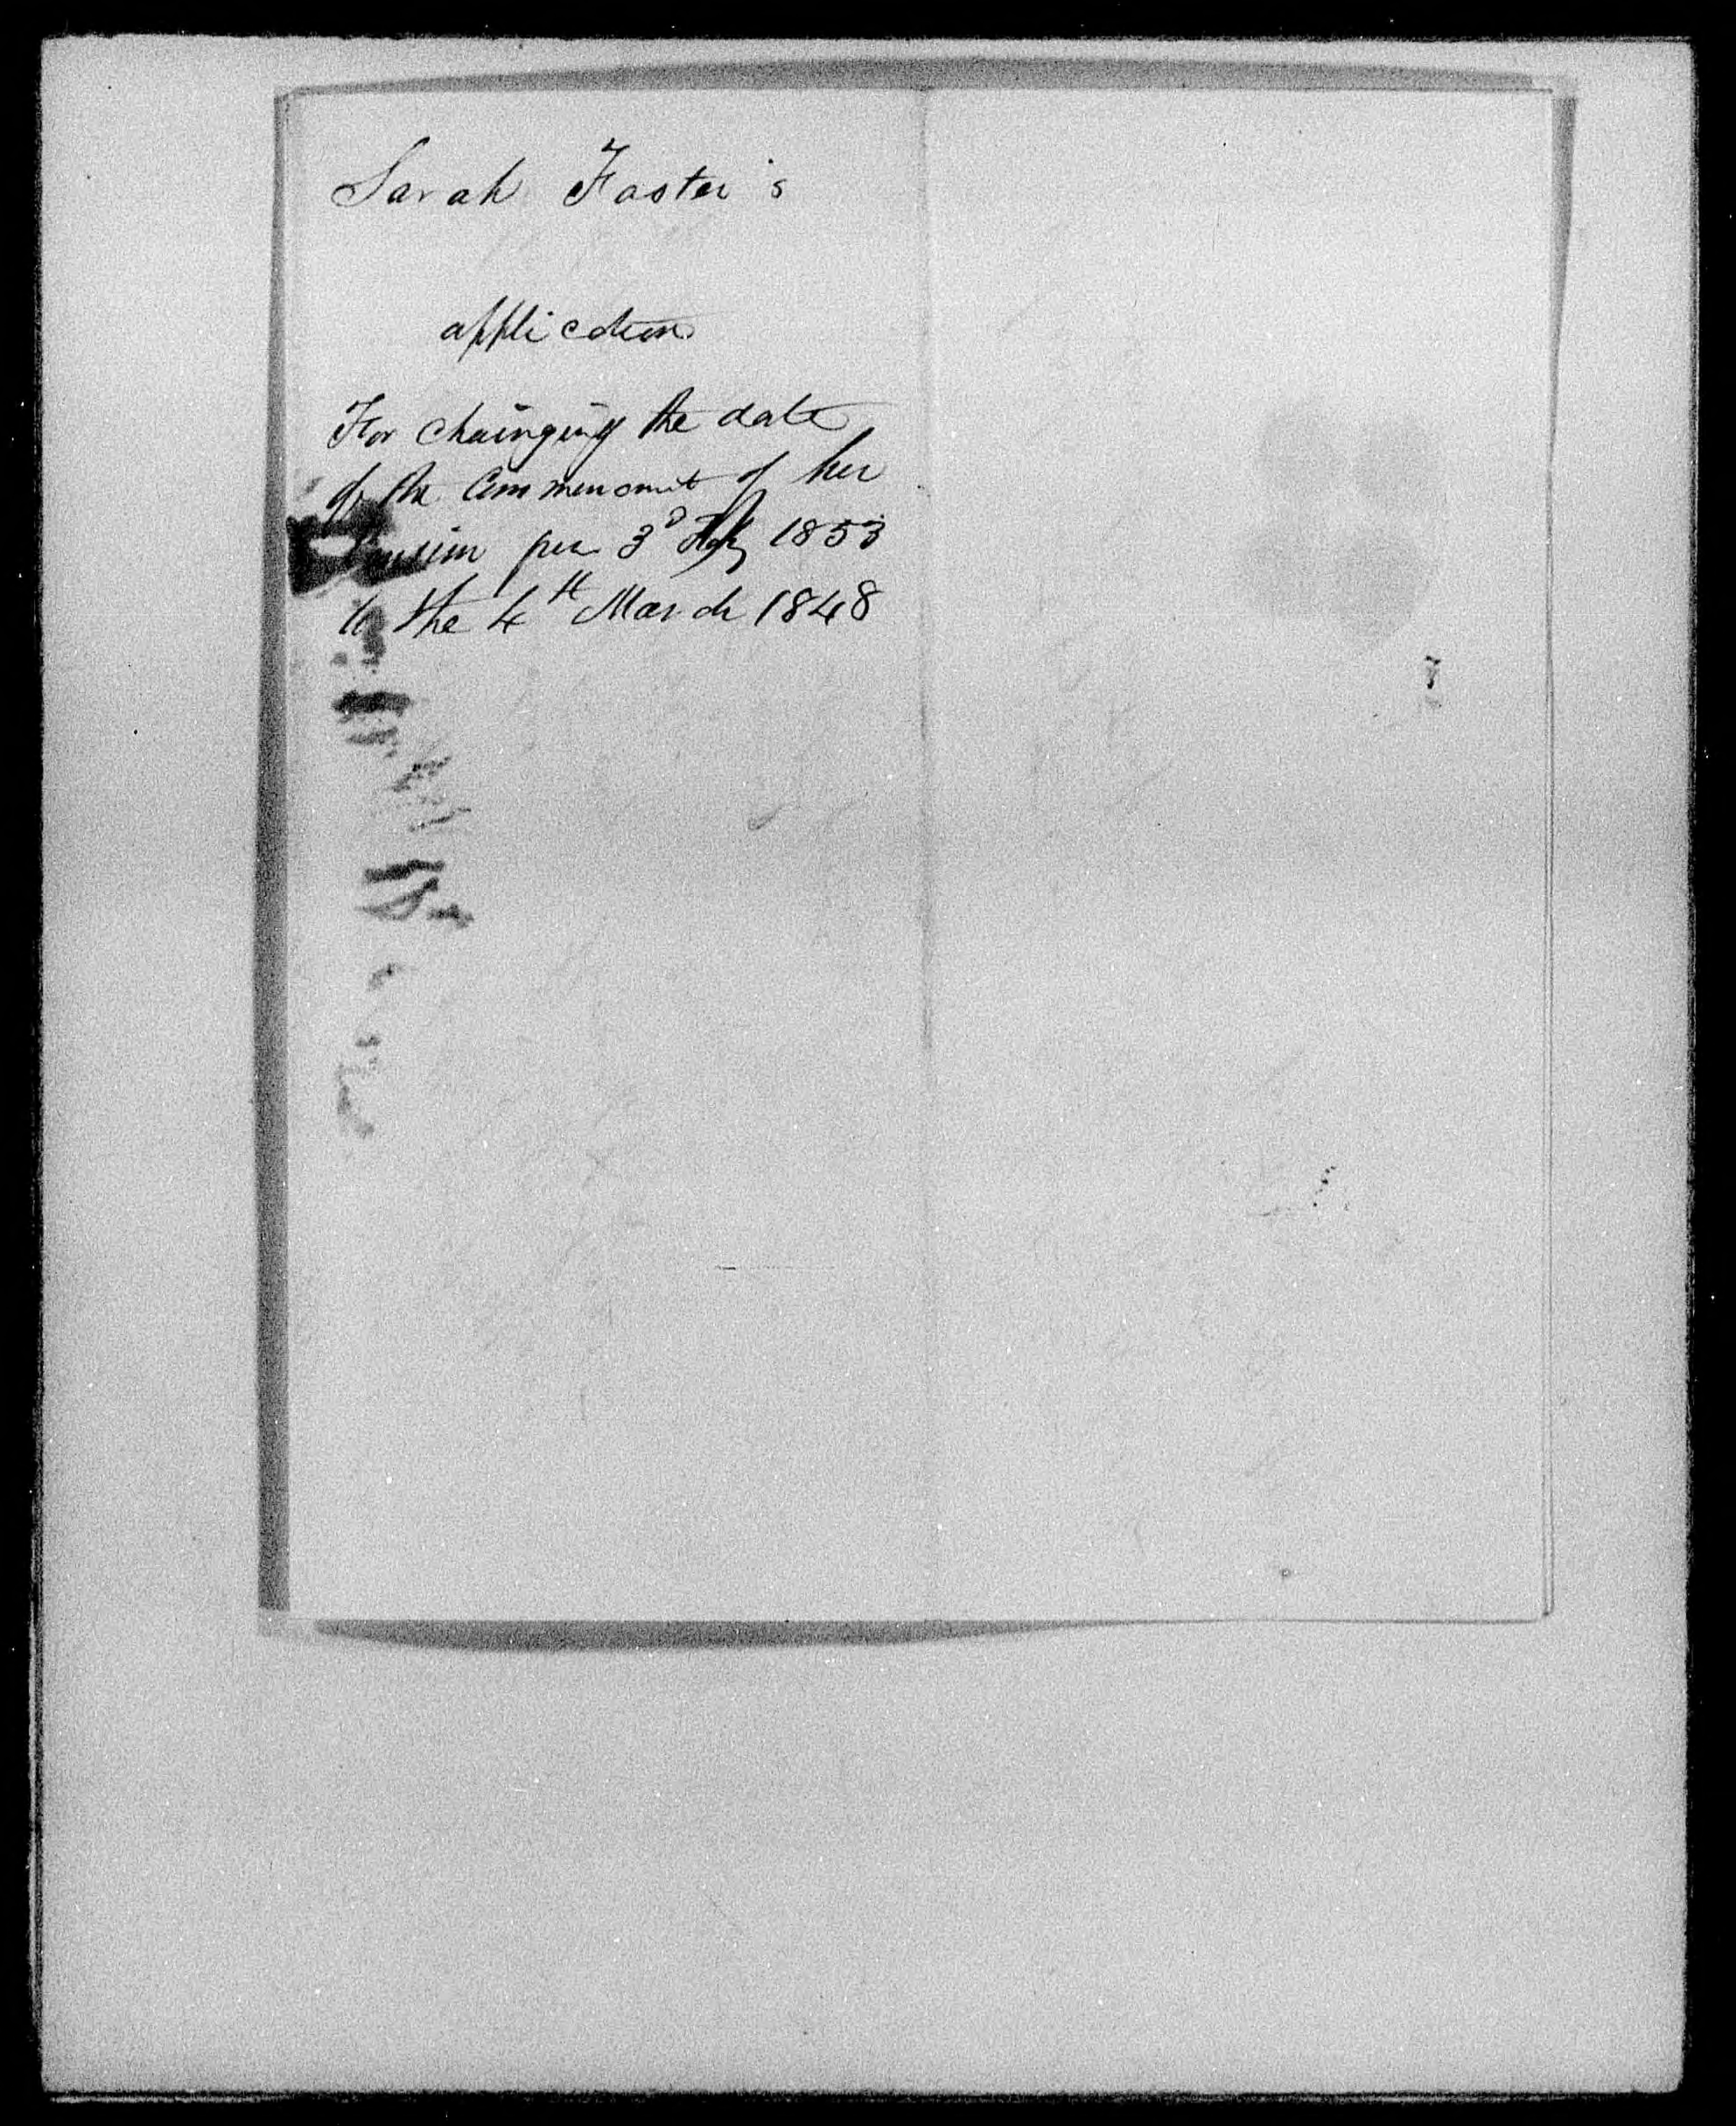Sarah Foster  s

application

For changing the date
of An. Commencement of her
Pension per 3d Feb 1853
to the 4th March 1848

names: Sarah Foster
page: 50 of 57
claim: widow's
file: W. 5275 1/2, Michael Foster, Penn.